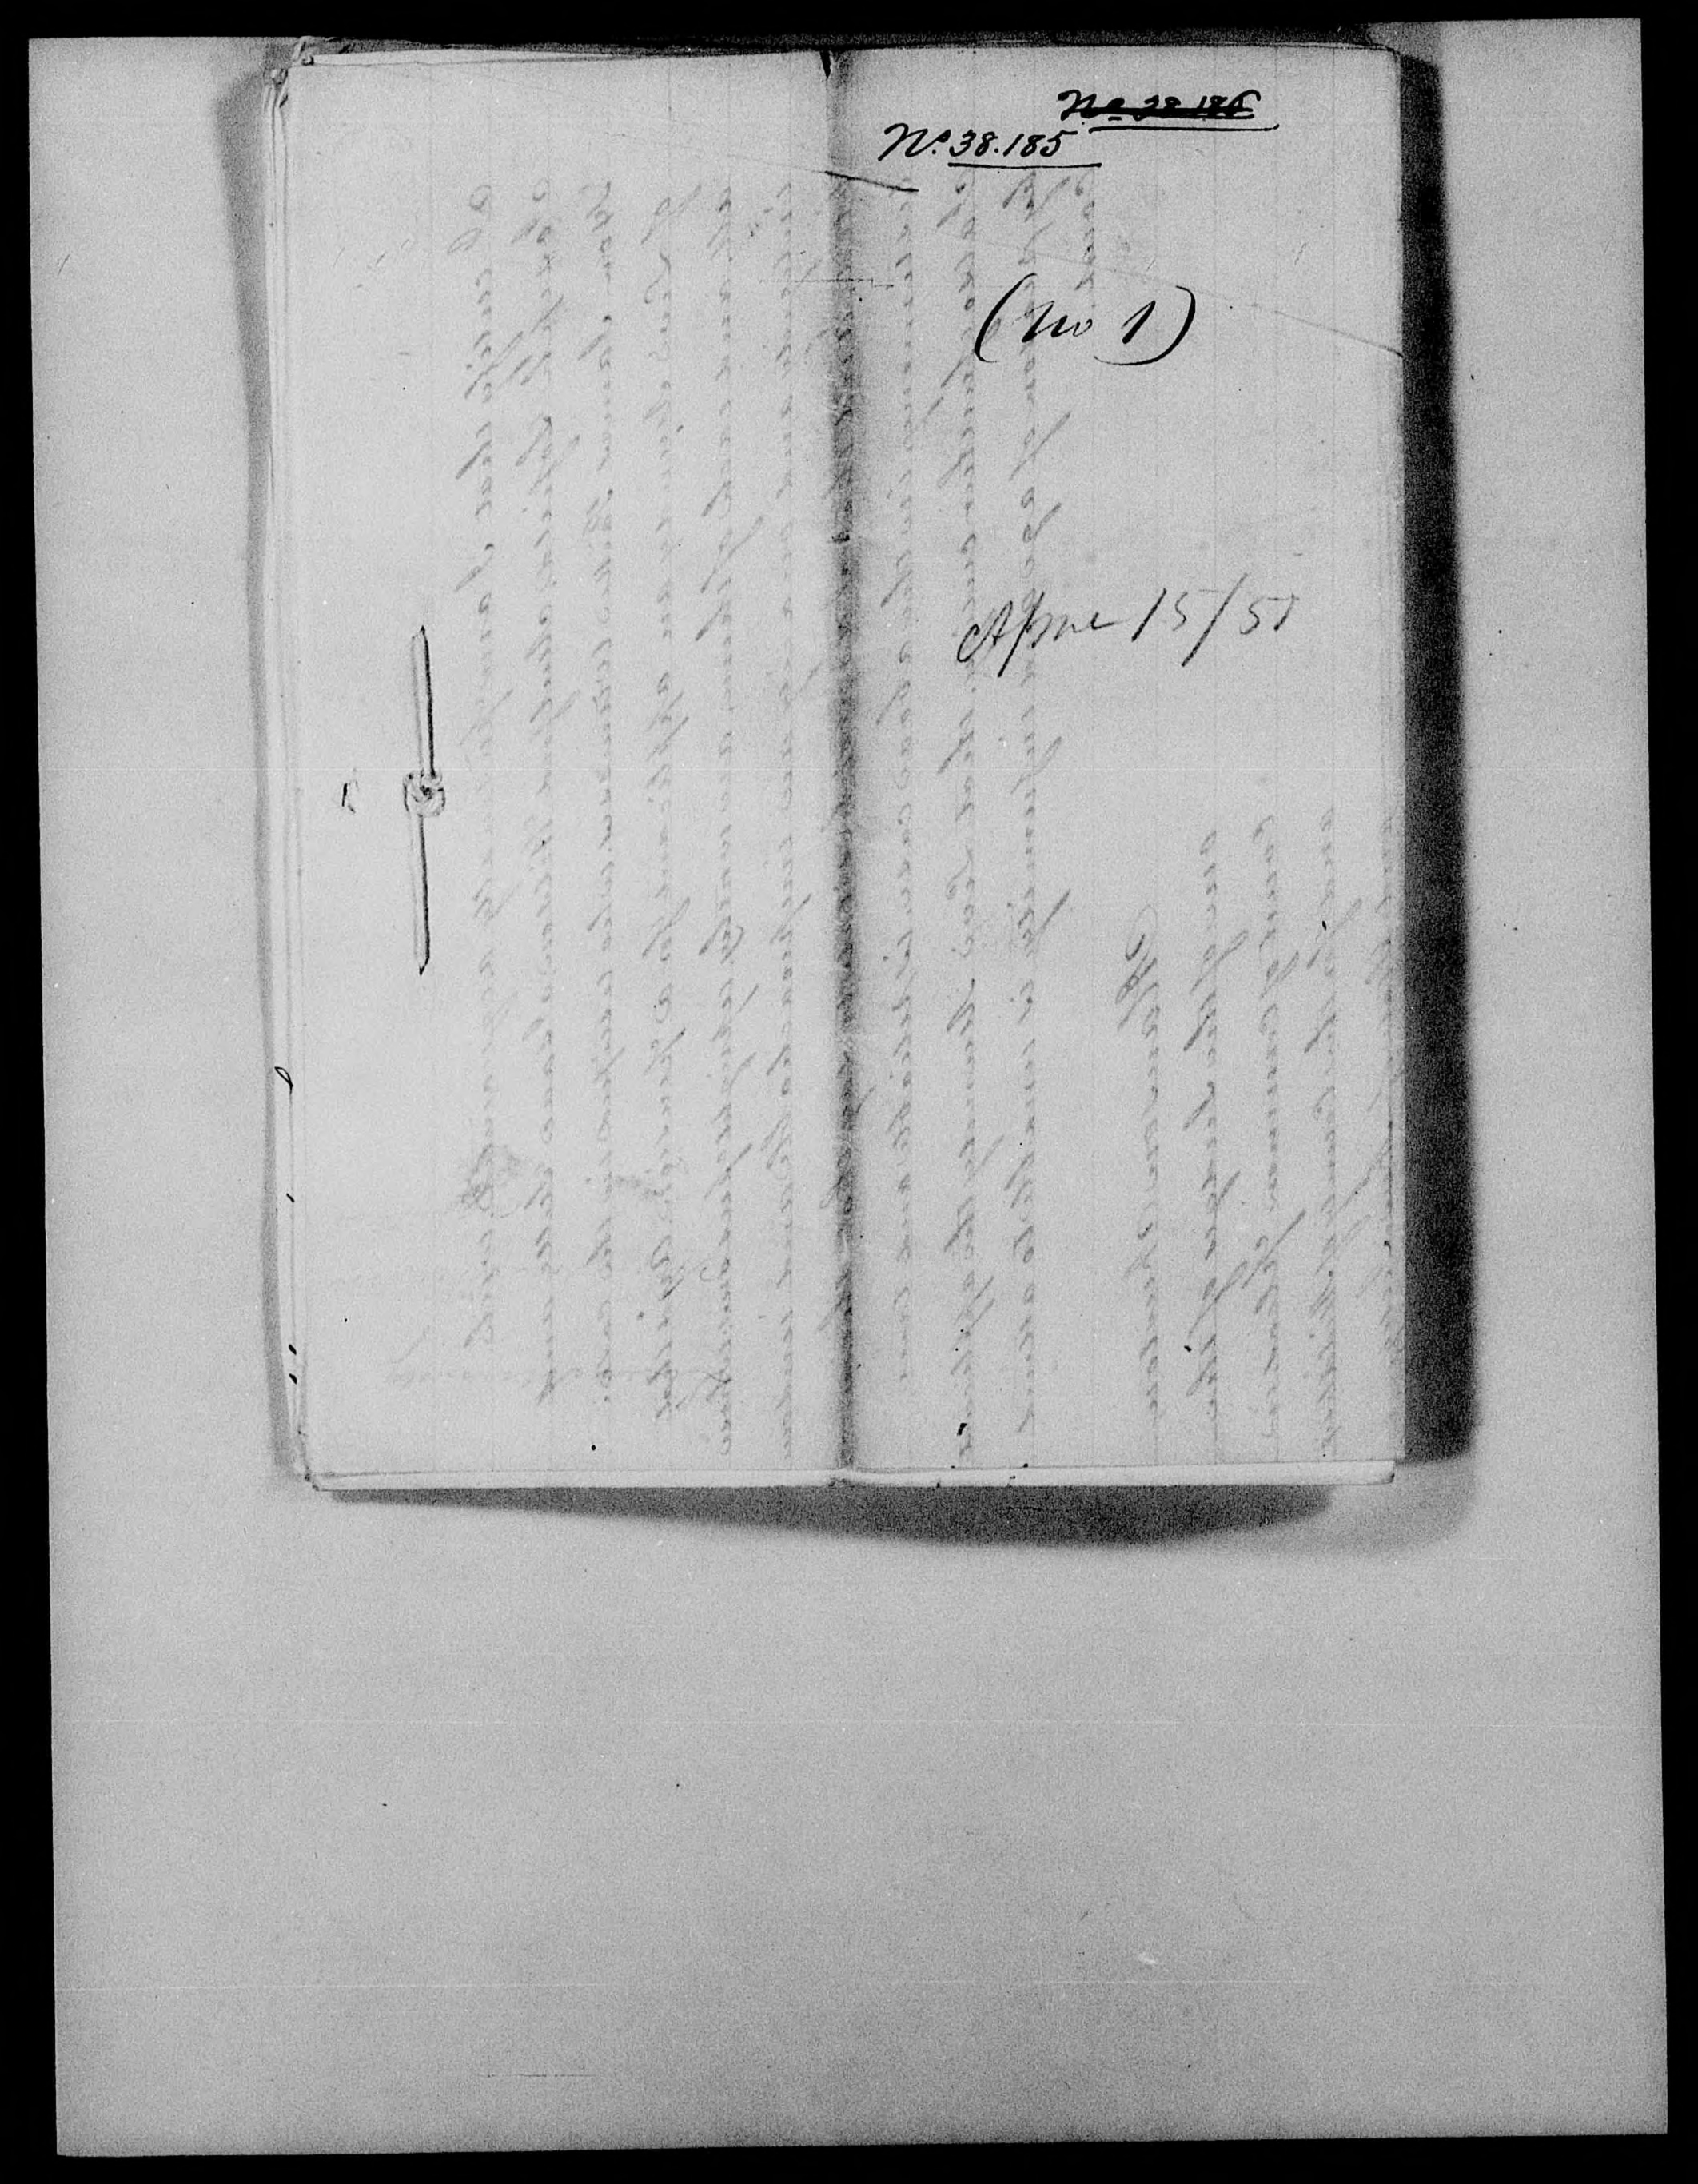[crossed out: No. 38,186]
No. 38,185

(Rev. 1)

April 15/'57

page: 3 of 95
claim: survivor's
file: S 2889, for Levi Mundy, New Jersey